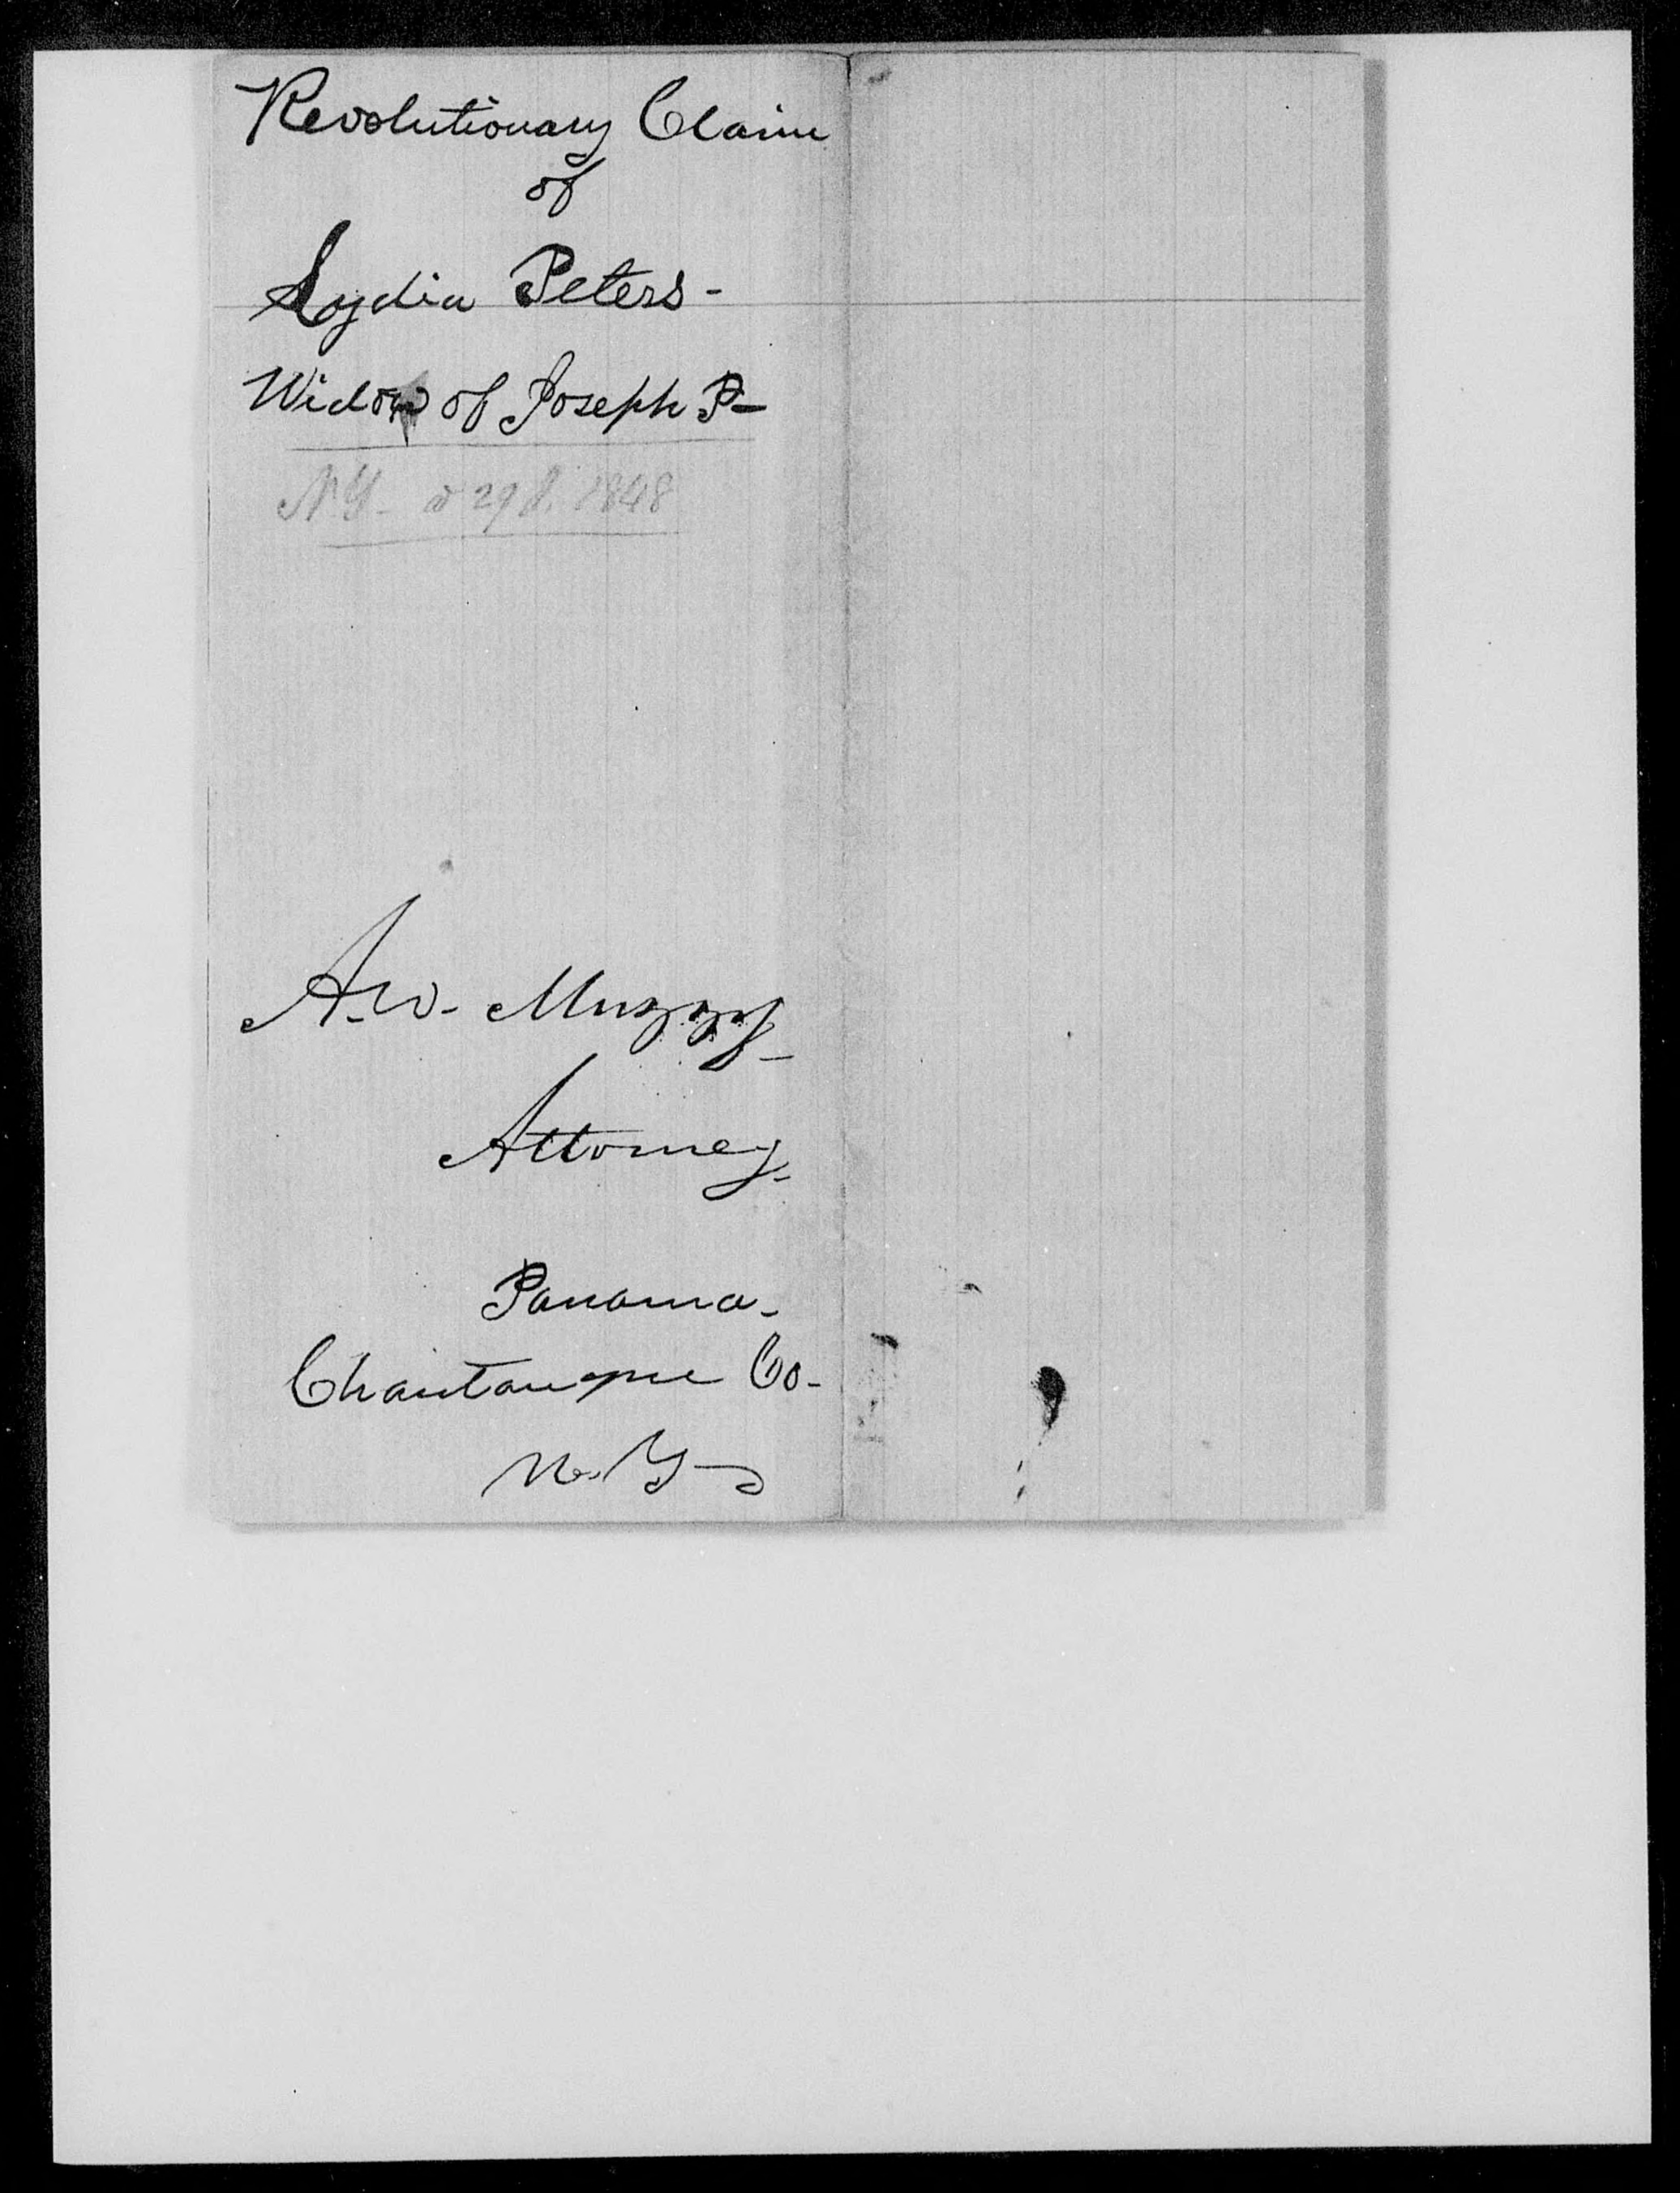Revolutionary Claim
of Lydia Peters
Widow of Joseph P. 
NY w 29 1848
A. W. Muzzy
Attorney
Panama 
Chatauqua Co. N.Y.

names: Joseph P Peters; Lydia Peters; A W Muzzy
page: 68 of 73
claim: widow's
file: W. 2338, for Joseph P Peters, Connecticut